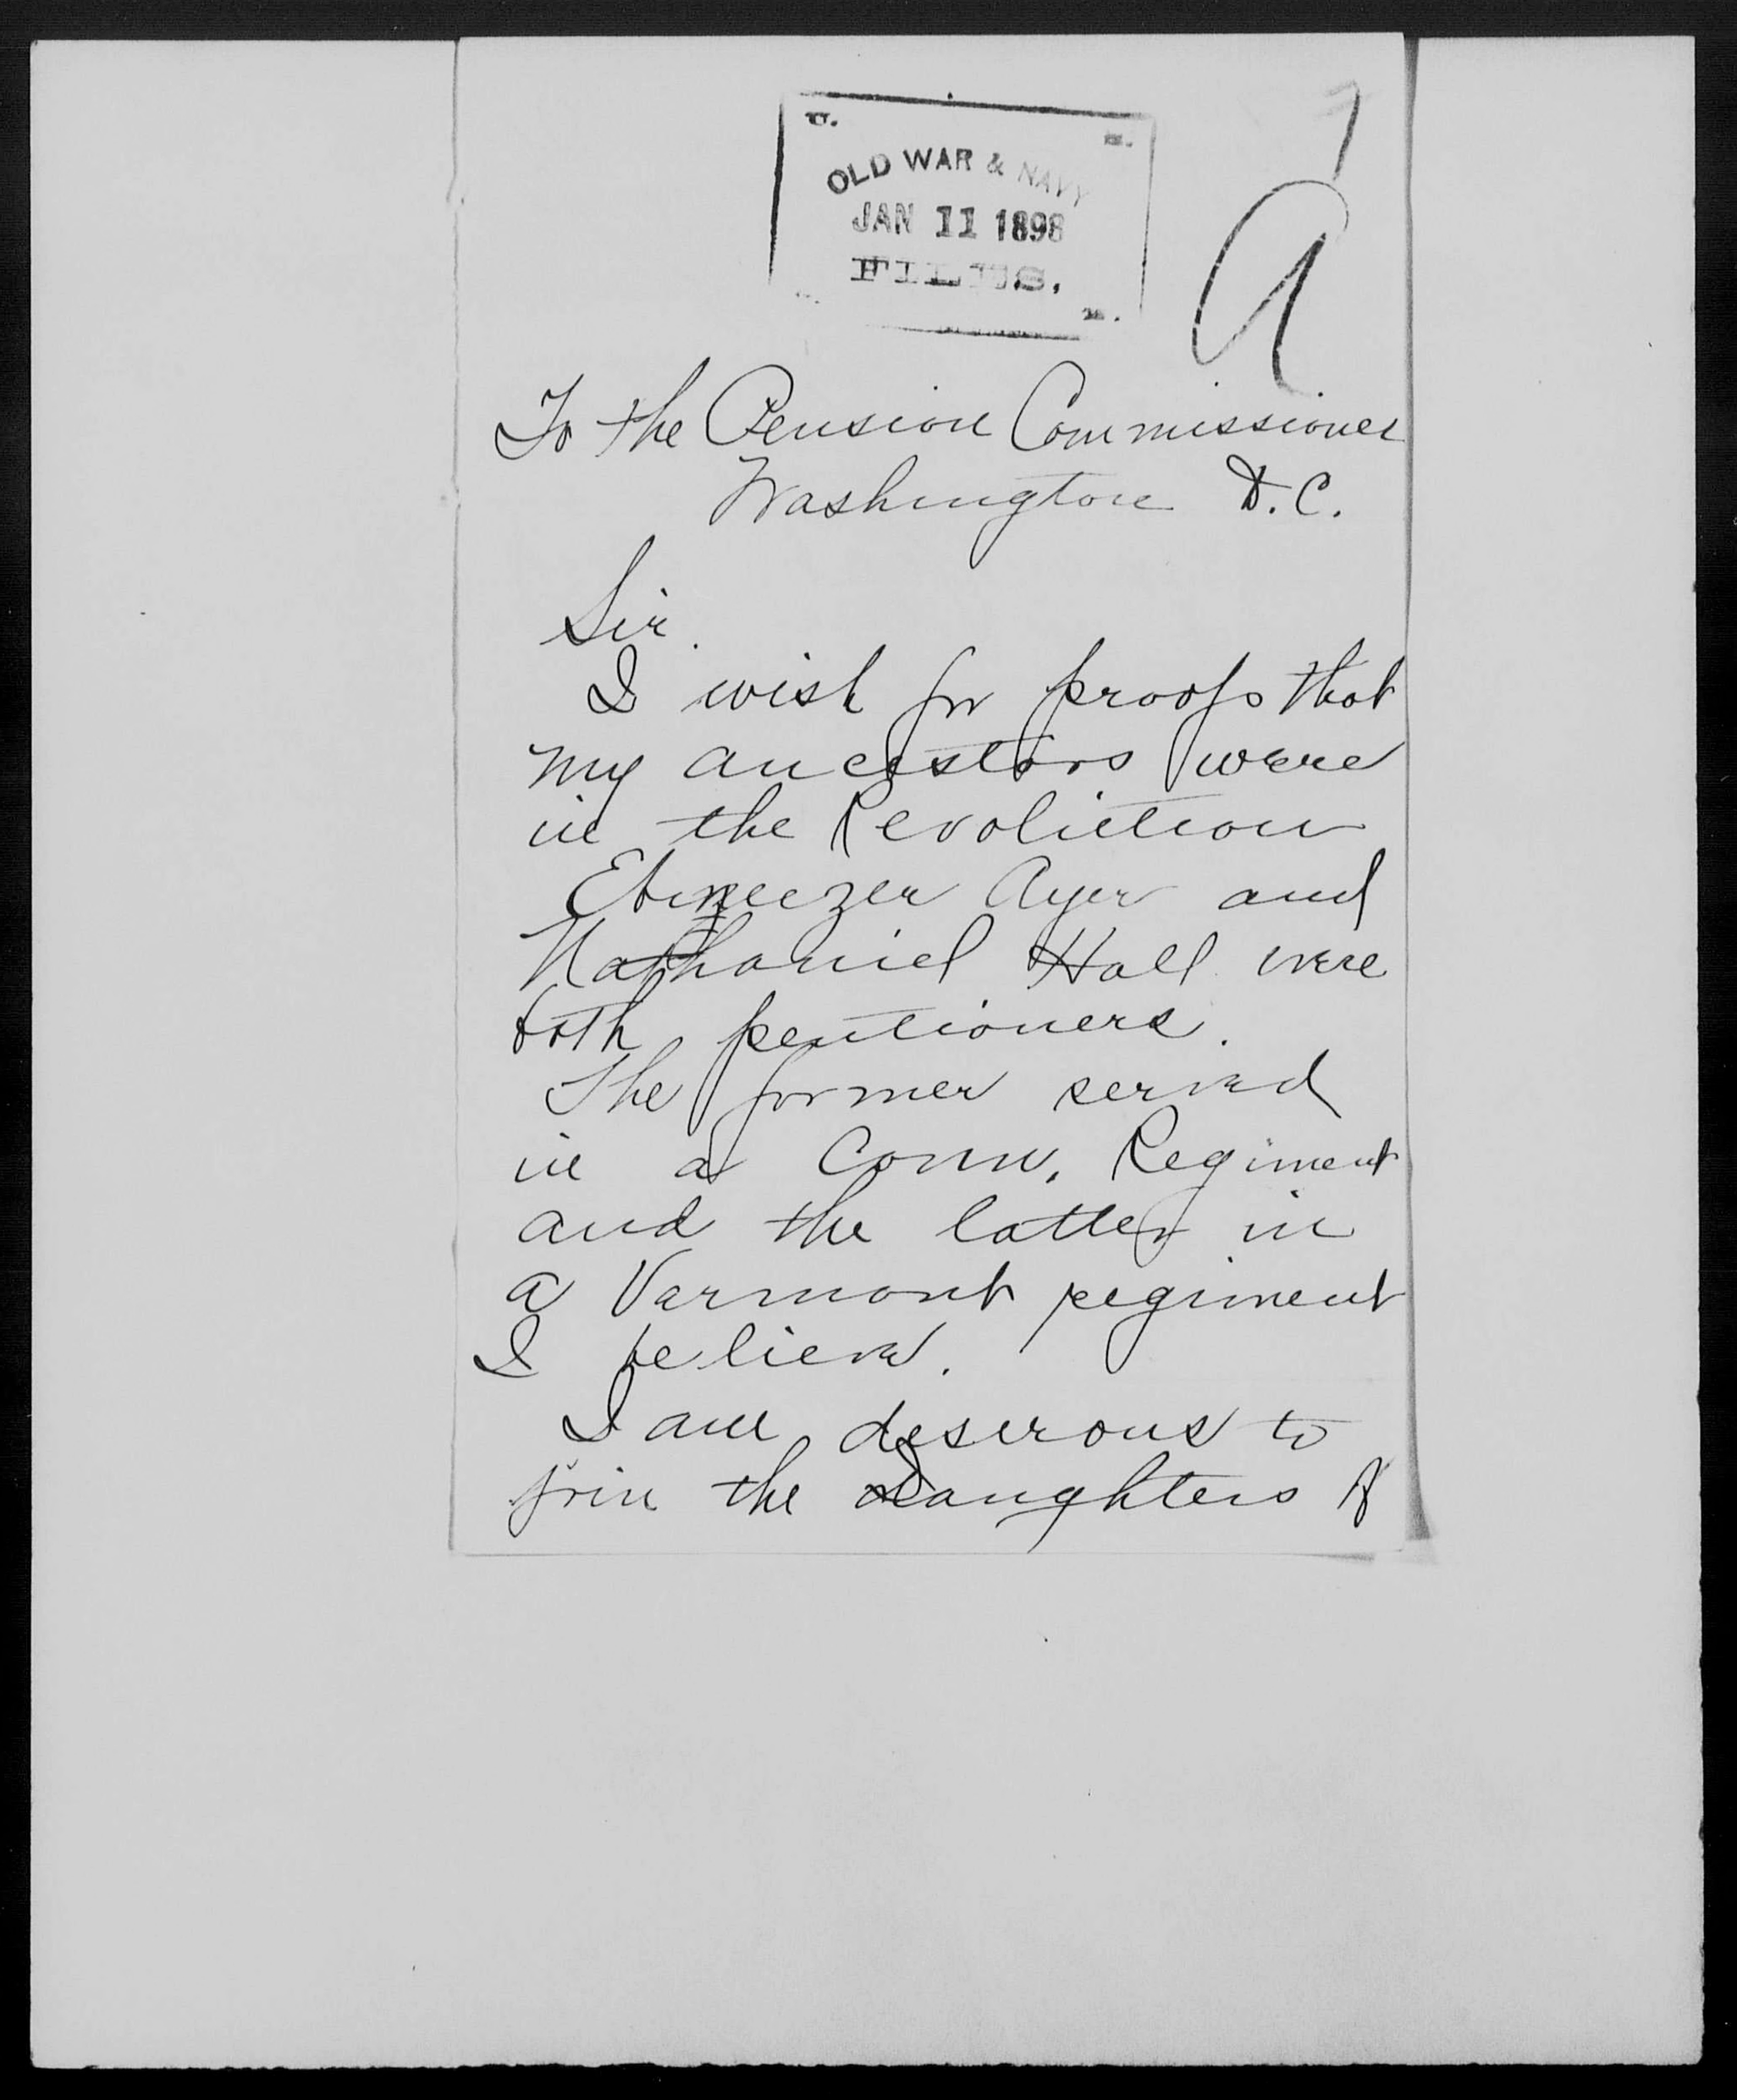STAMPED:
OLD WAR  NAVY
JAN 11 1898
FILES.
To the Pension Commissioner
Washington D. C.
Sir
I wish for proofs that my ancestors were in the Revolution Ebenezer Ayer and Nathaniel Hall were both pentioners [pensioners]. 
The former served in a Conn. Regiment and the latter in a Vermont regiment I believe.
I am desirous to join the Daughters of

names: Ebeneezer Ayer, Nathaniel Hall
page: 48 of 50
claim: widow's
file: W. 8559, Ebenezer Ayer, Continental (Conn)